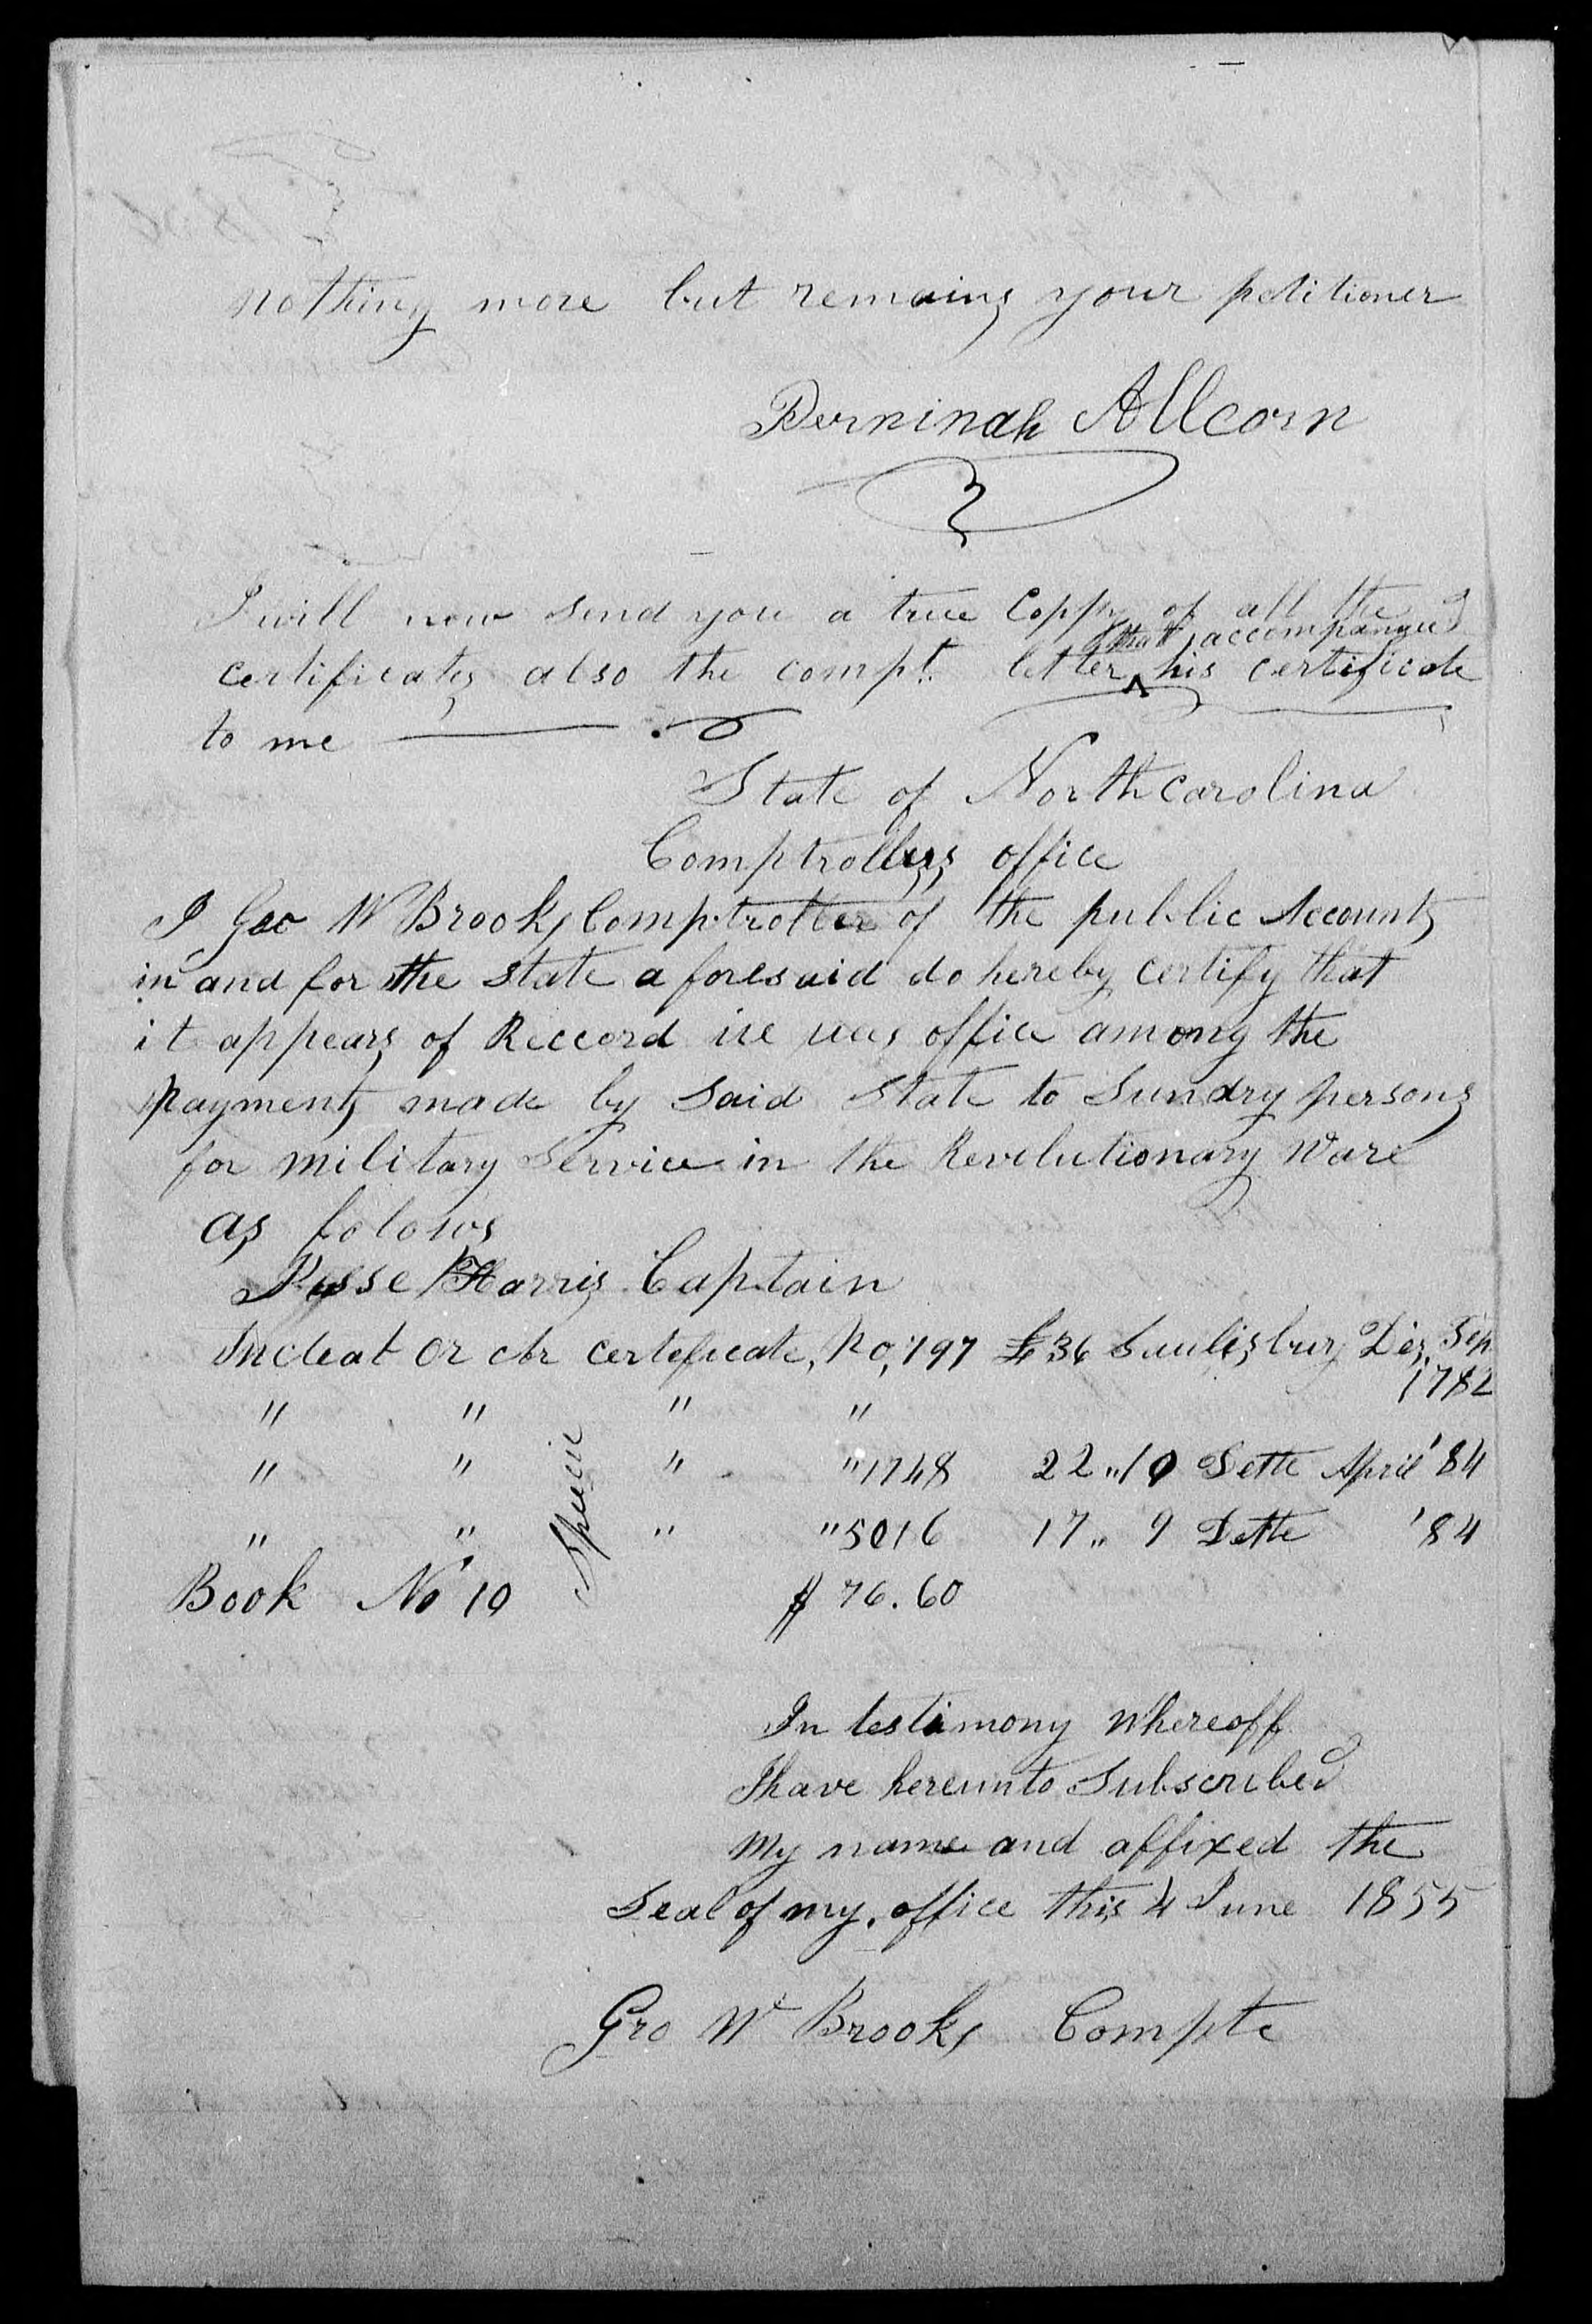nothing more but remaining your petitioner
Perninah Allcorn

I will now send you a true coppy of all the certificates also the compt letter that accompanied his certificate to me

State of North Carolina
Comptrollers office
I Geo W. Brook Comptroller of the public accounts in and for the state aforesaid do hereby certify that it appears of record [blank] was office among the payments made by said state to sundry persons for military service in the Revolutionary War as follows
Jesse Harris Captain
[blank] or Ck certified, No 797  36 Salisbury Dis Sep 1782
" " " "
" " " "1768 22"/ Deth  April '84
" " " " 5016  17" 9 Deth  '84
Book No 19 $ 76.60
In testimony whereoff I have hereunto subscribed my name and affixed the seal of my office this 4 June 1855
Geo W Brook, Compt.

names: Perninah Allcorn, Jesse J Harris, Geo W Brook, Geo W Brook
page: 9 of 32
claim: rejected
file: R. 4655, Jesse Harris, N.C.